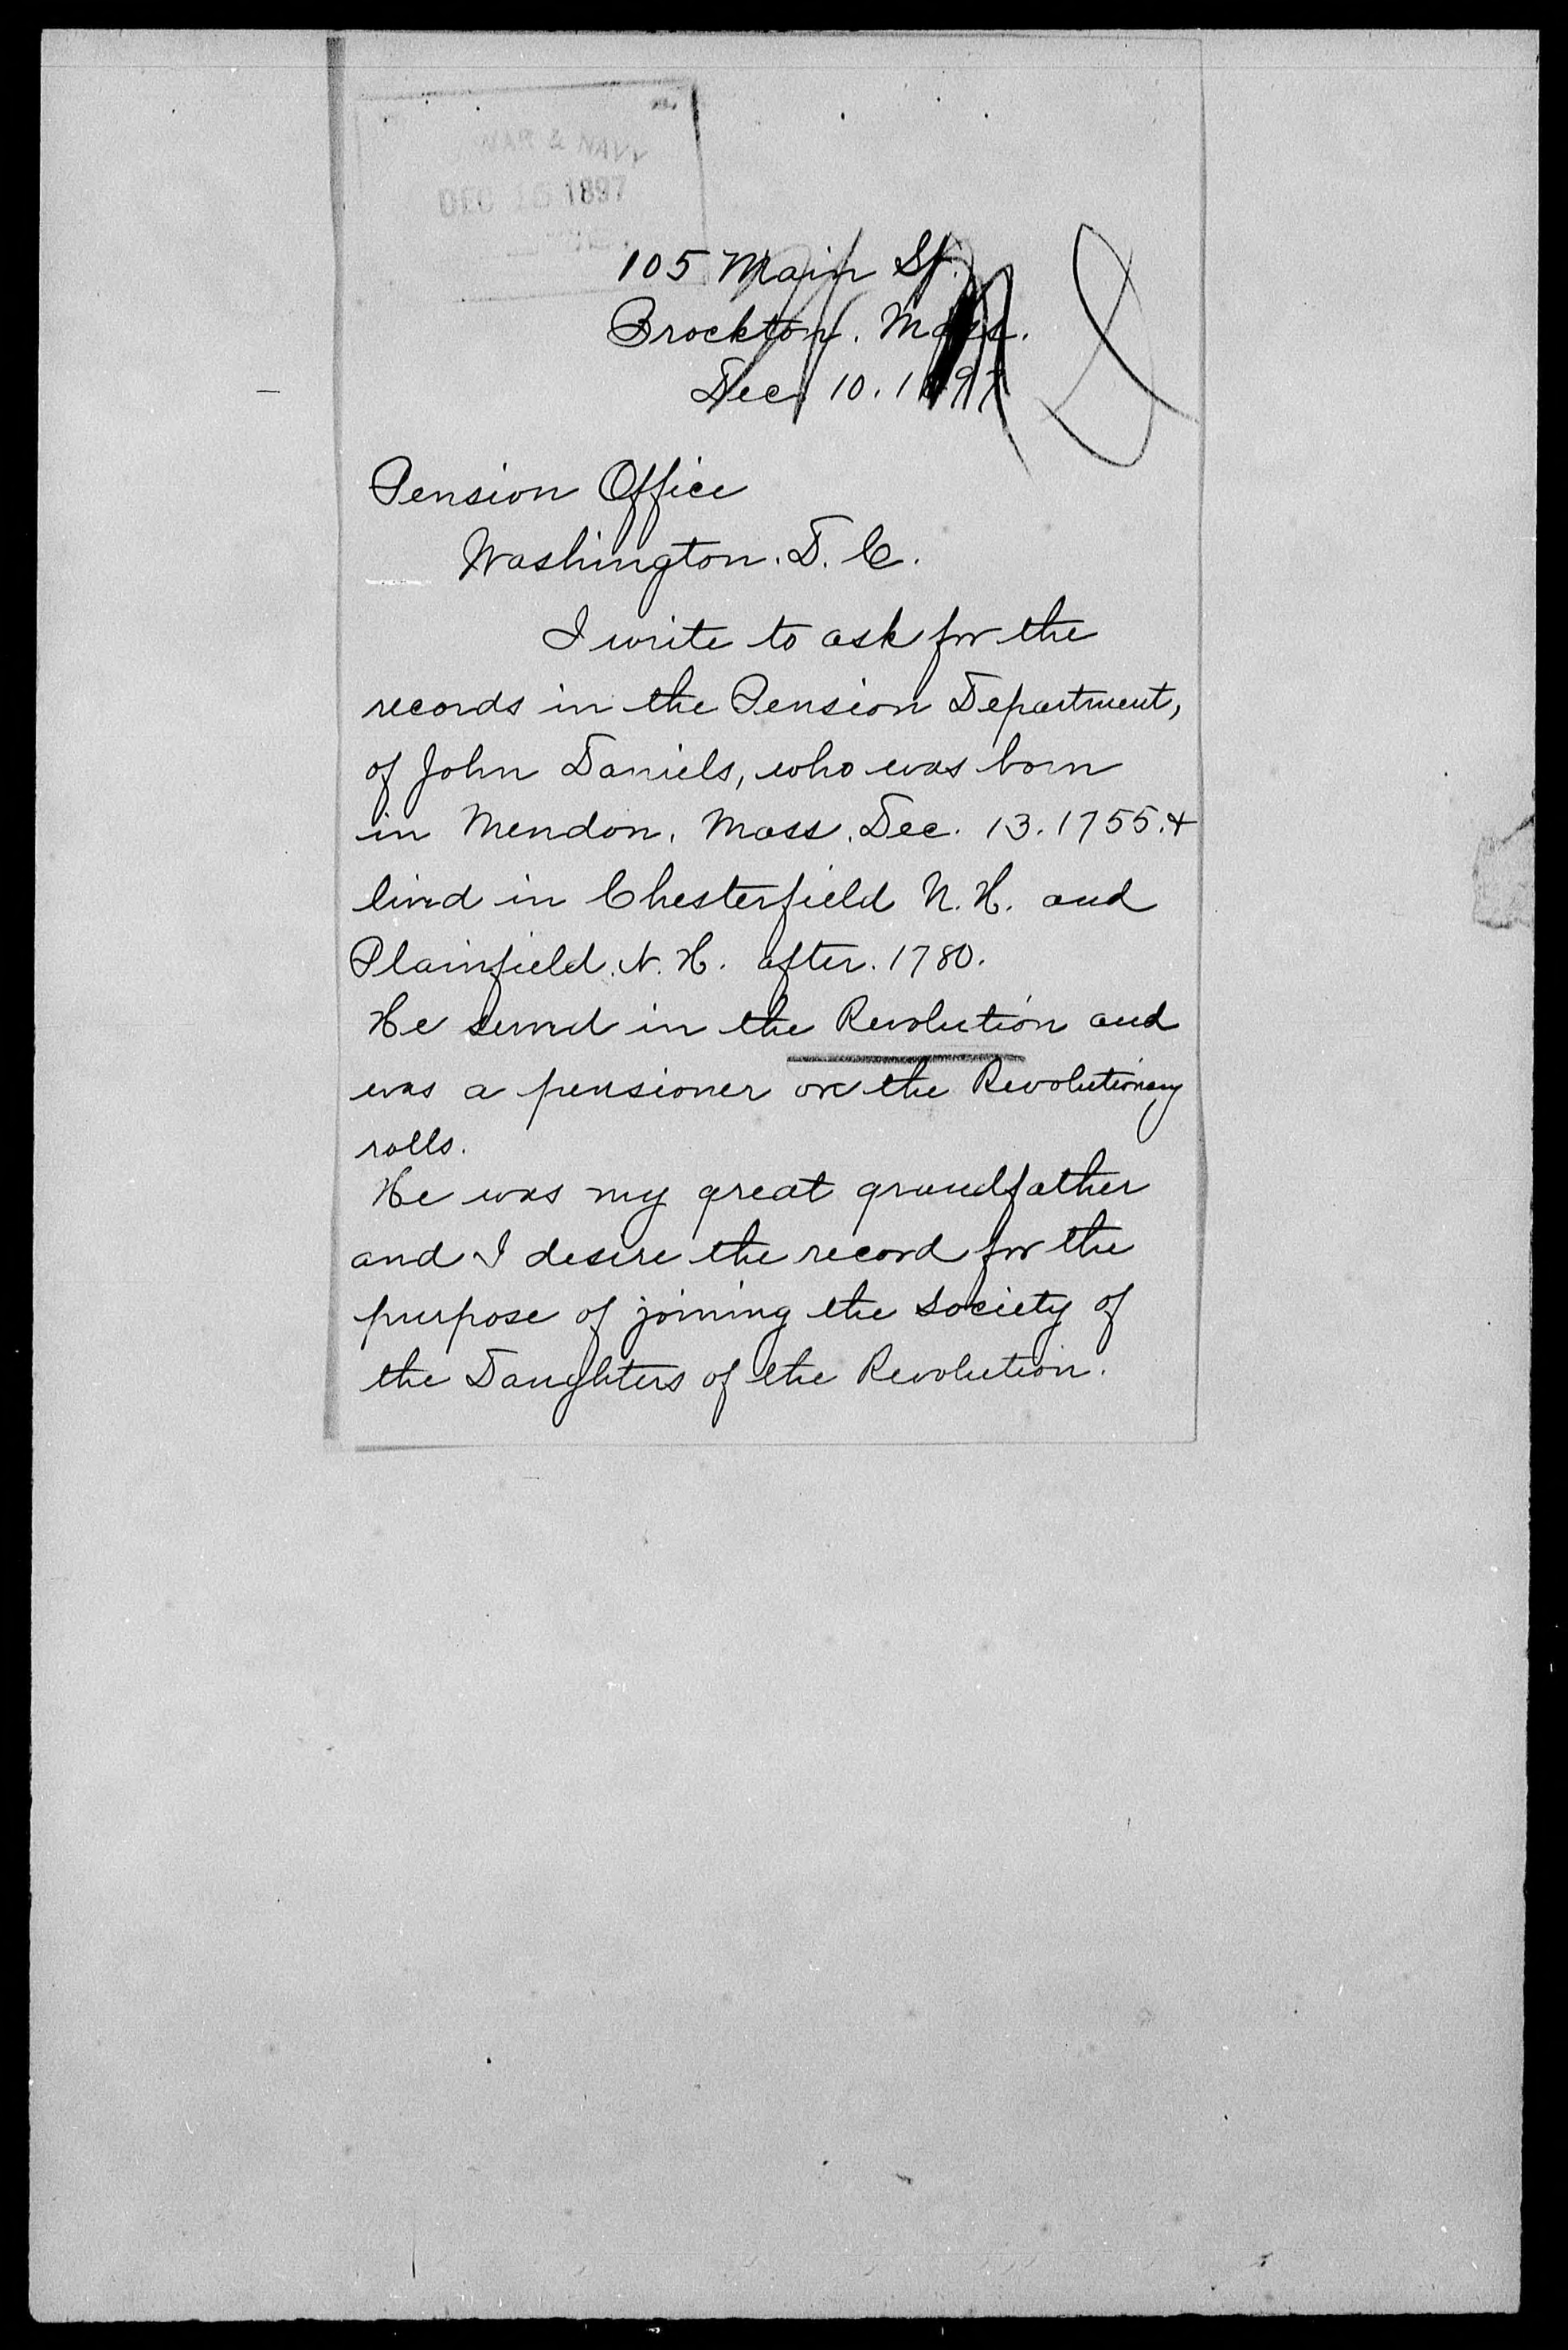[faint stamp]  
OLD WAR & NAVY 
DEC 15 1897
[illegible, but says "FILES']]

105 Main St.
Brockton, Mass.
Dec 10, 1897

Pension Office
Washington. D.C.

I write to ask for the records of John Daniels, who was born in Mendon, Mass. Dec 13, 1755 & lived in Chesterfield N.H. and Plainfield N.H. after 1780.
He served in the Revolution and was a pensioner on the Revolutionary rolls.
He was my great grandfather and I desire the record for the purpose of joining the Society of the Daughters of the Revolution.
[end of page]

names: John Daniels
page: 35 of 43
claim: widow's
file: W 683, John Daniels, Continental Mass. N.H.